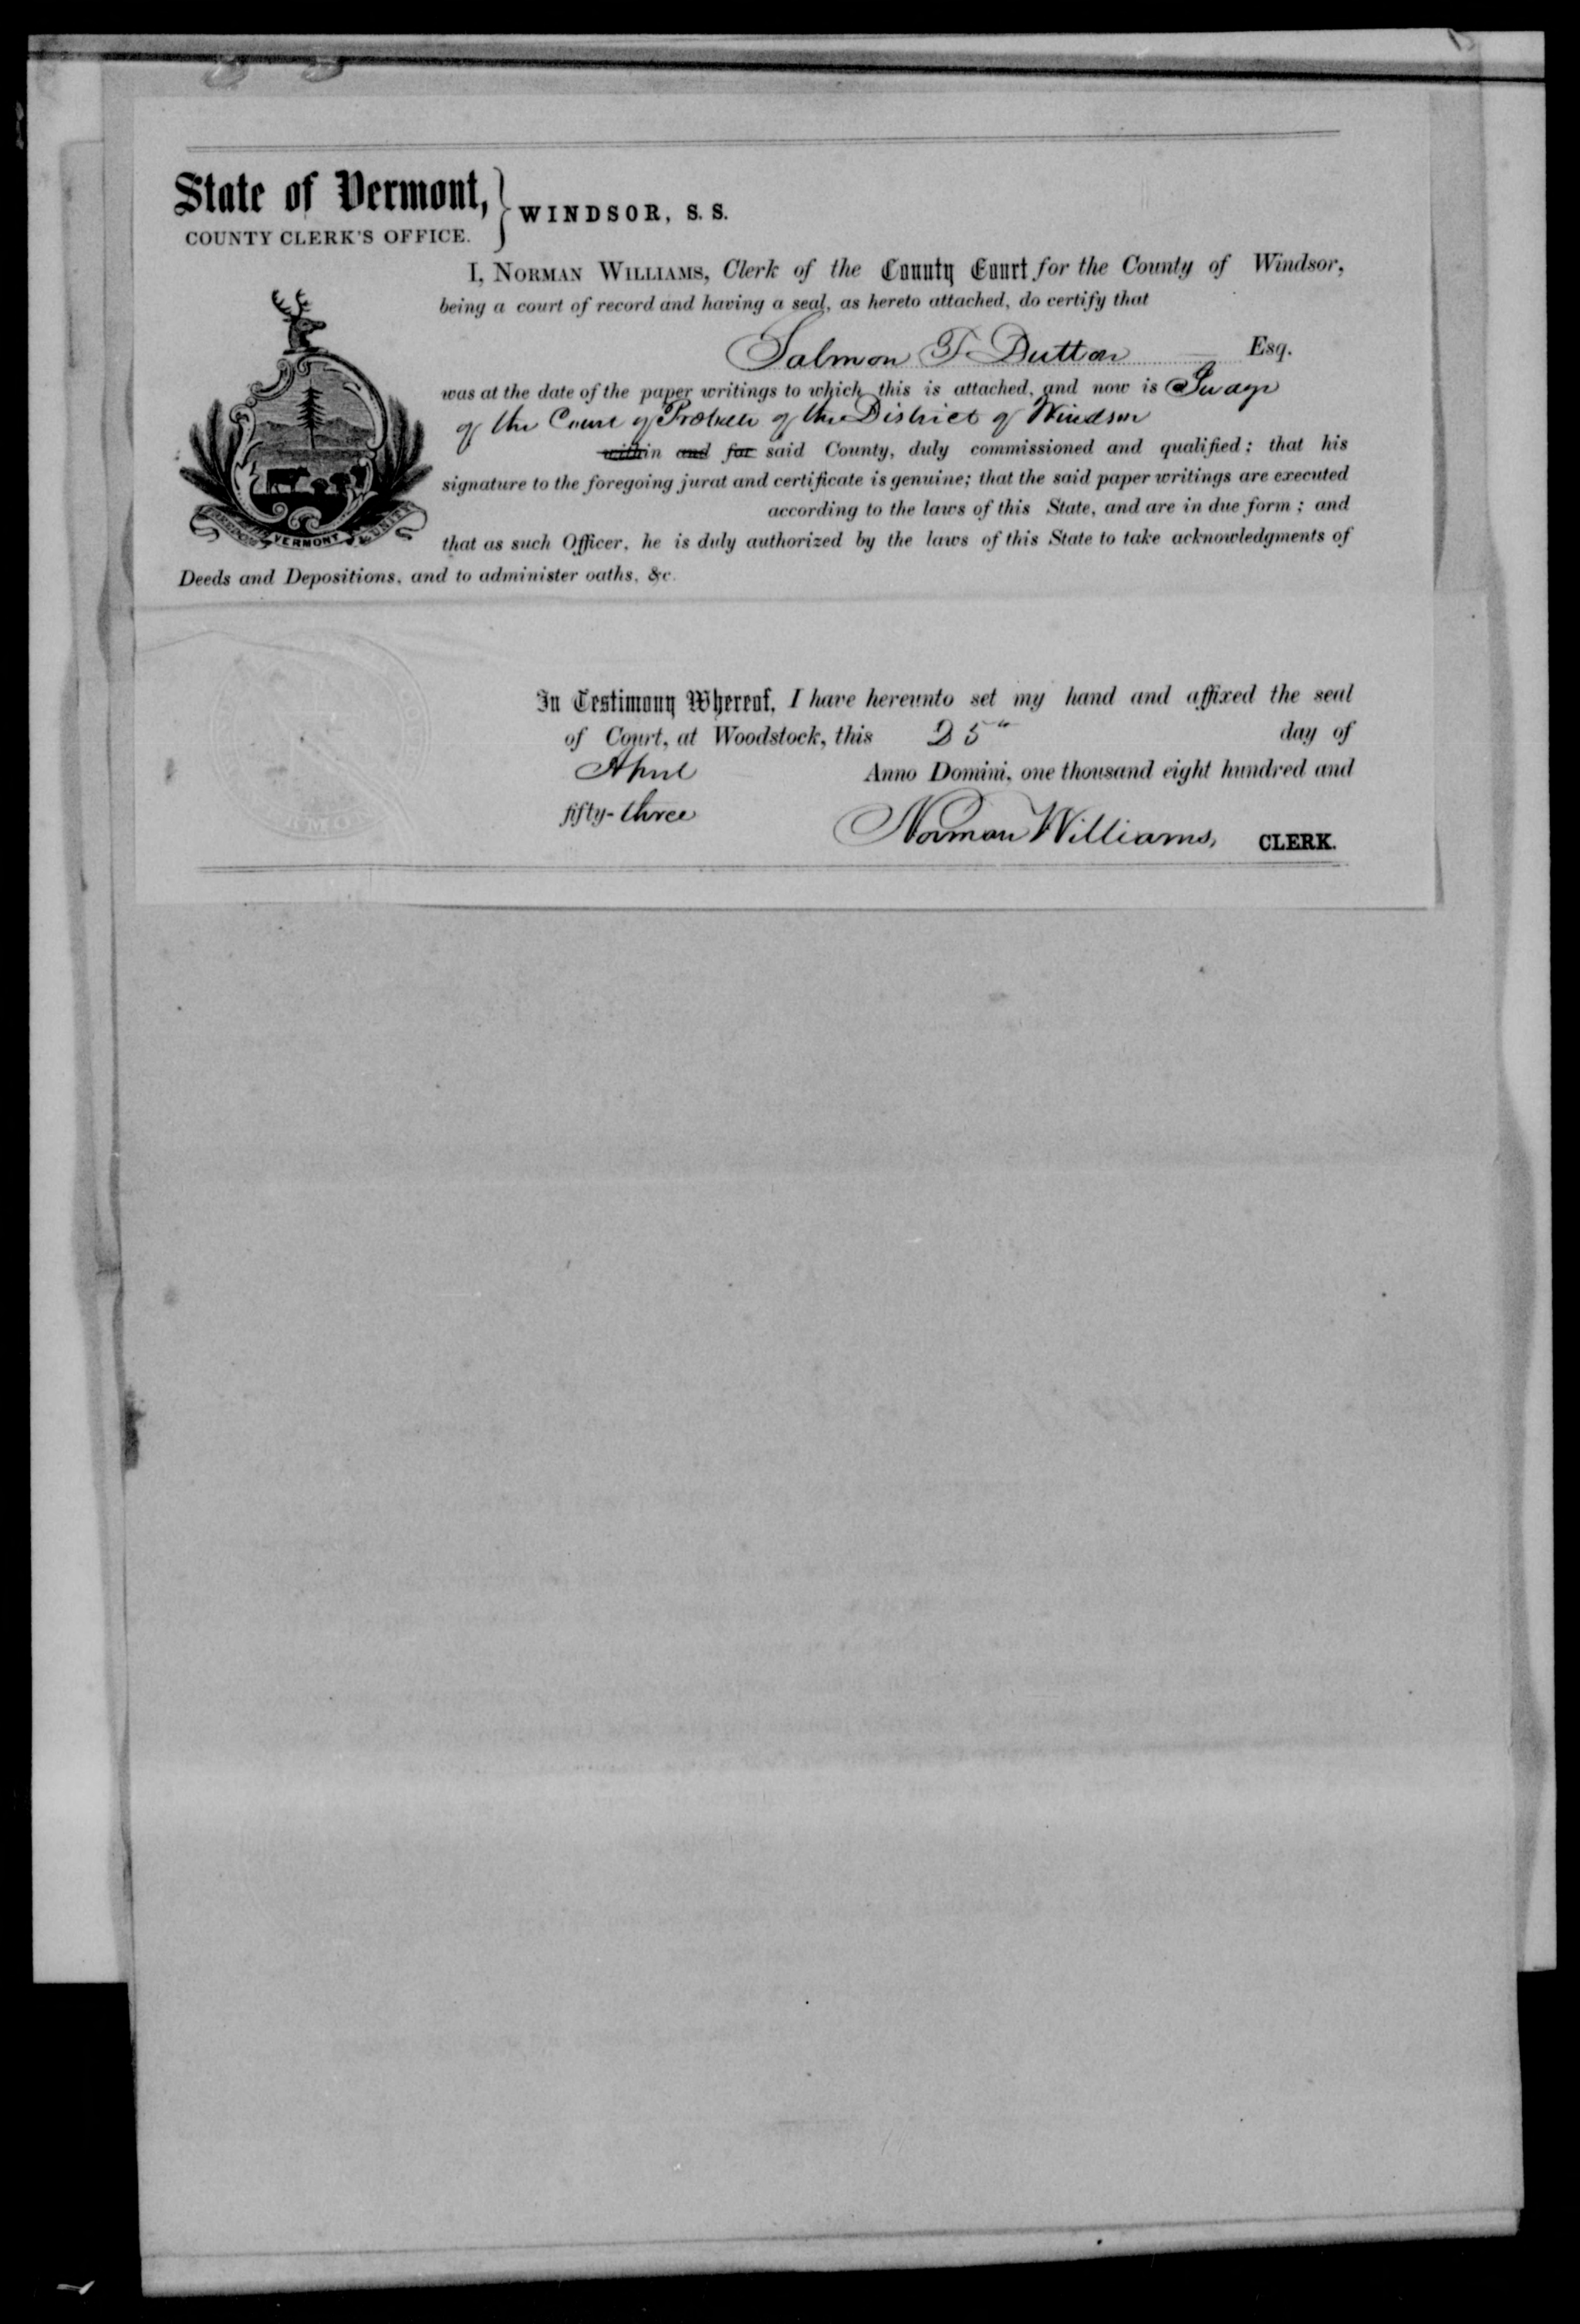State of Vermont,
County Clerk's Office, Windsor SS

(State Logo pictured here)

I, Norman Williams, Clerk of the County Court for the County of Windsor, being a court of Record and having a seal, as hereto attached, do certify that Salmon F. Dutton Esq. was at the date of the paper writings to which this is attached, and now is Judge of the Court of Probate of the District of Windsor in said County duly commissioned and qualified; that his signature to the foregoing jurat and certificate is genuine; that the said paper writings are executed according to laws of this State, and are in due form; and that as such Officer, he is duly authorized by the laws of this State to take acknowledgments of Deeds and Depositions, and to administer oath, &c.

(seal of Court)
In Testimony Whereof, I have hereunto set my hand and affixed the seal of Court, at Woodstock, this 25th day of April Anno domini, one thousand eight hundred and fifty-three.
Norman Williams, Clerk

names: Norman Williams, Salmon F Dutton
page: 14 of 66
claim: widow's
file: W. 2468, Amos Wetherbee, Mass.